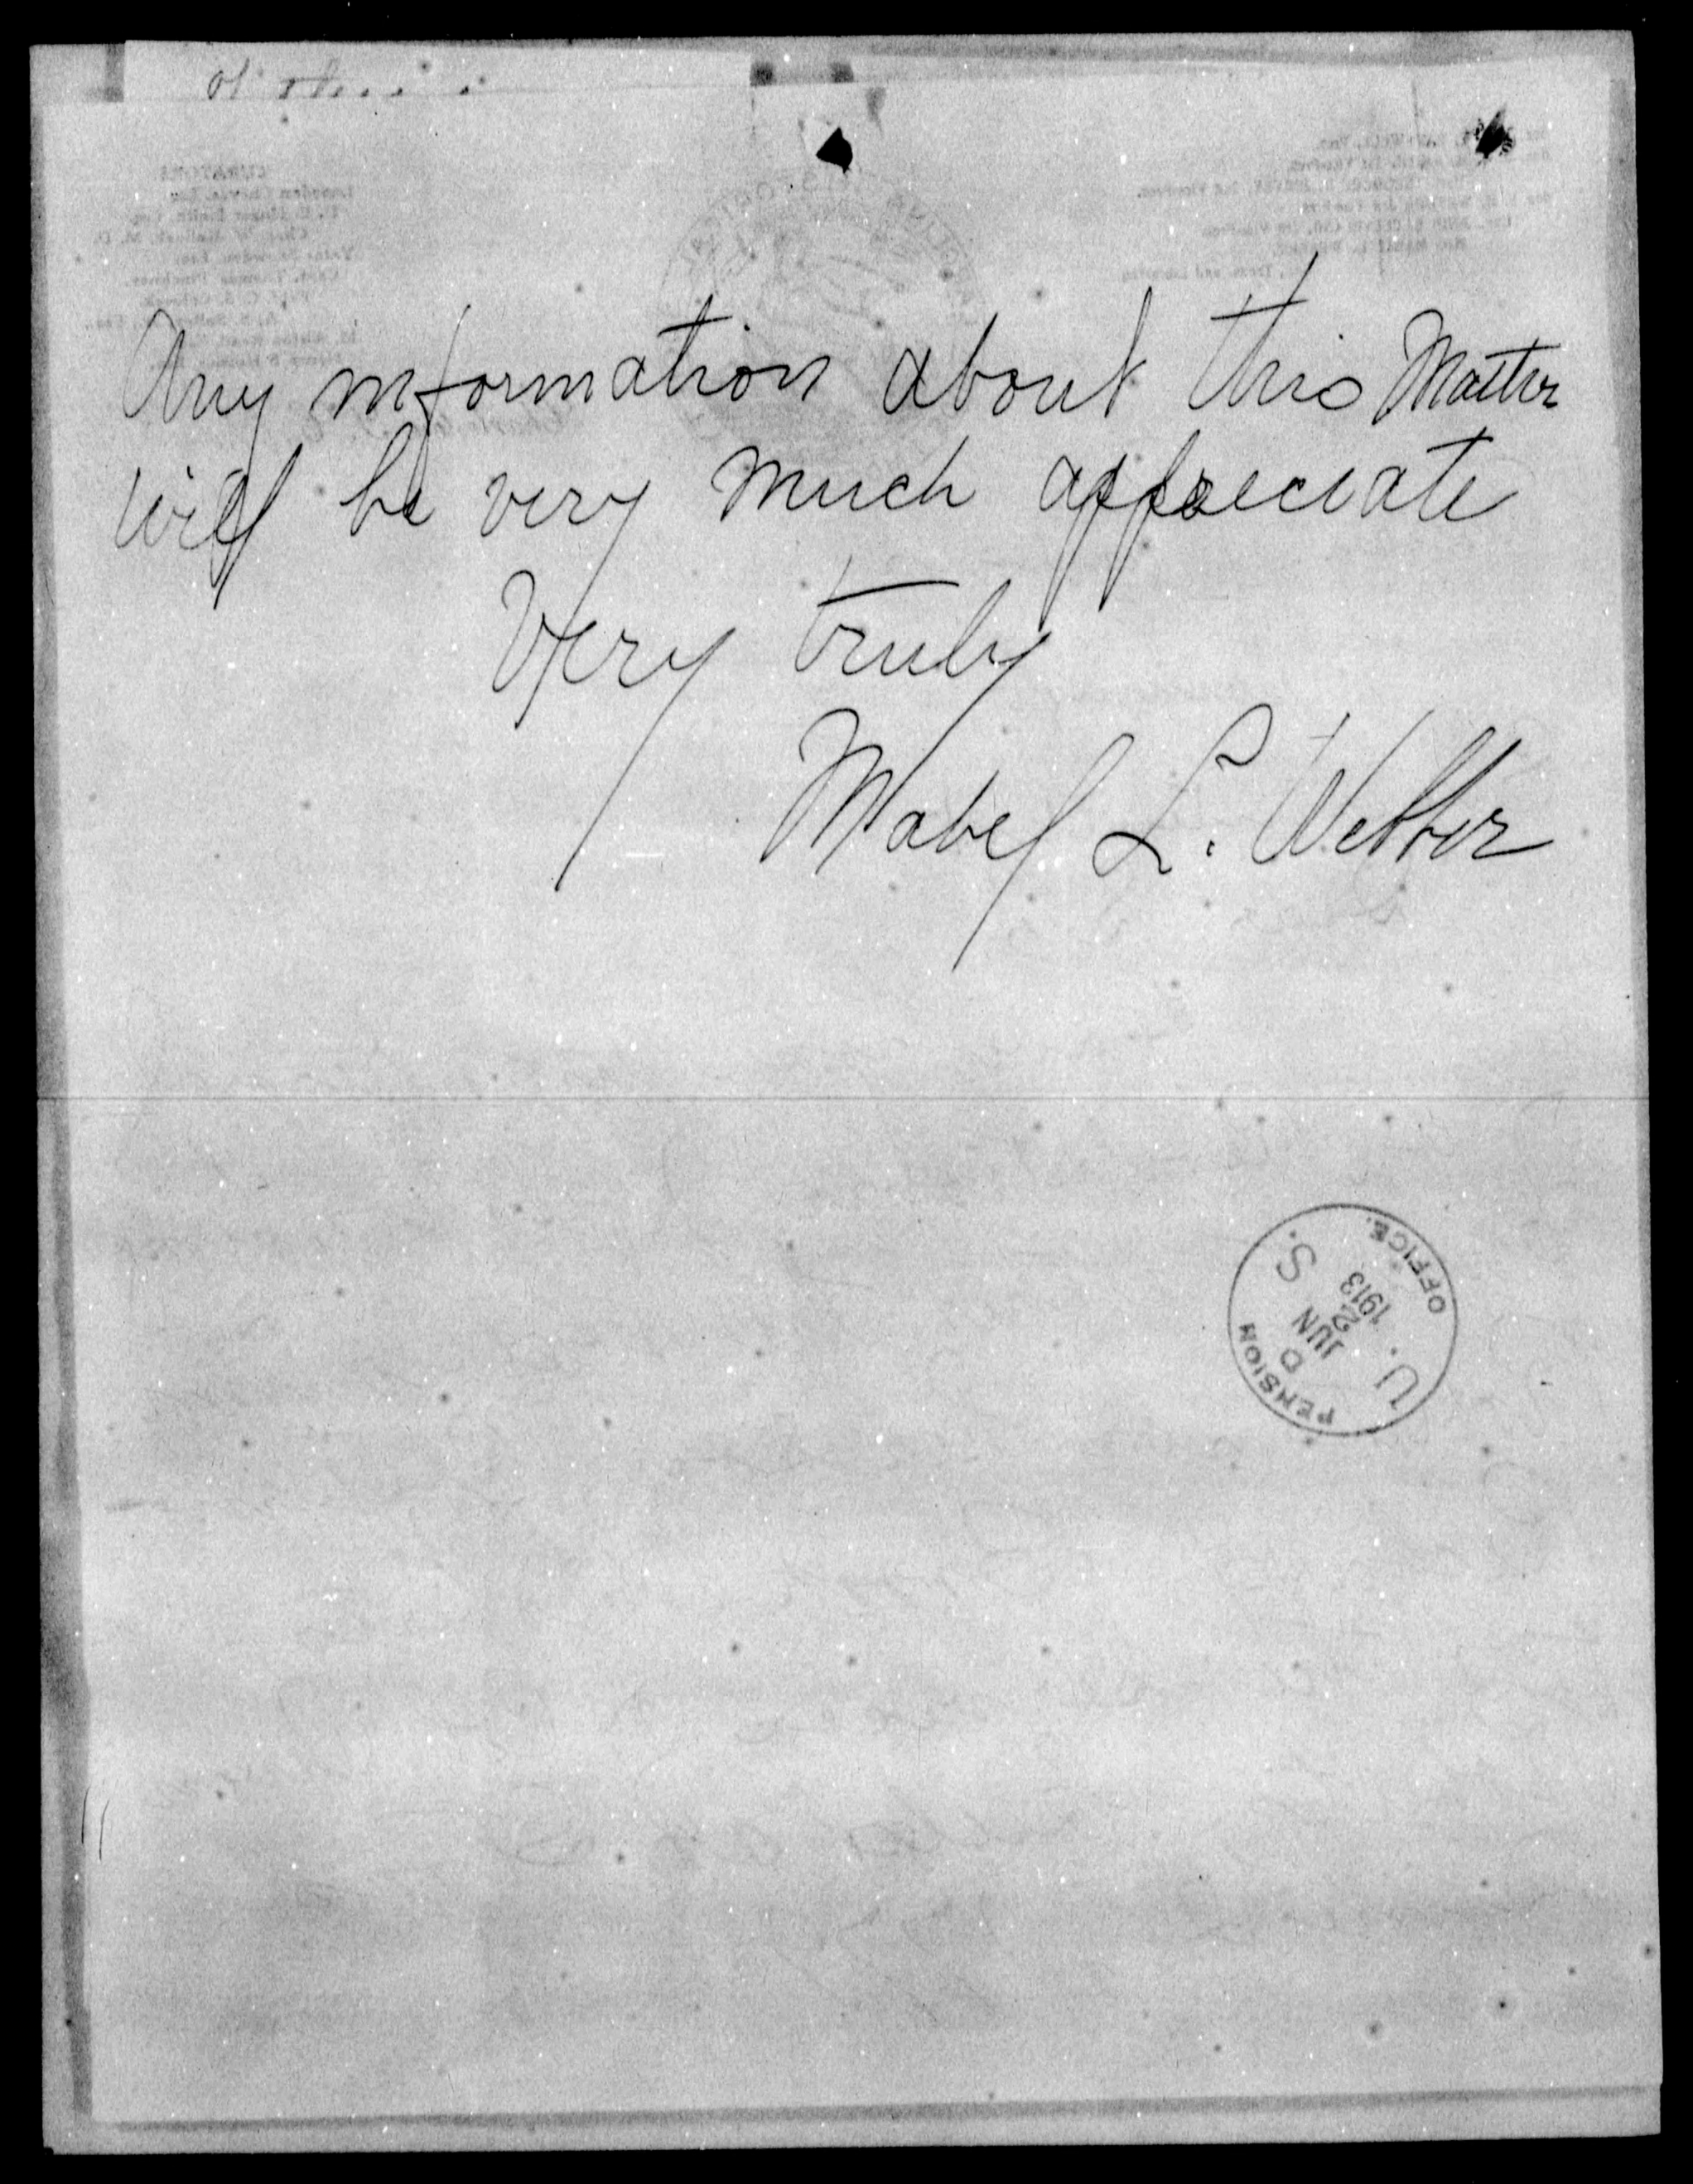[handwritten]
Any information about this matter will be very much appreciate
Very truly
Mabel L. Webber

[circular stamp with: U. S. PENSION OFFICE JUN 2 1913]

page: 55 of 59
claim: bounty land warrant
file: B.L.Wt. 2359-500, for Owen Roberts, South Carolina